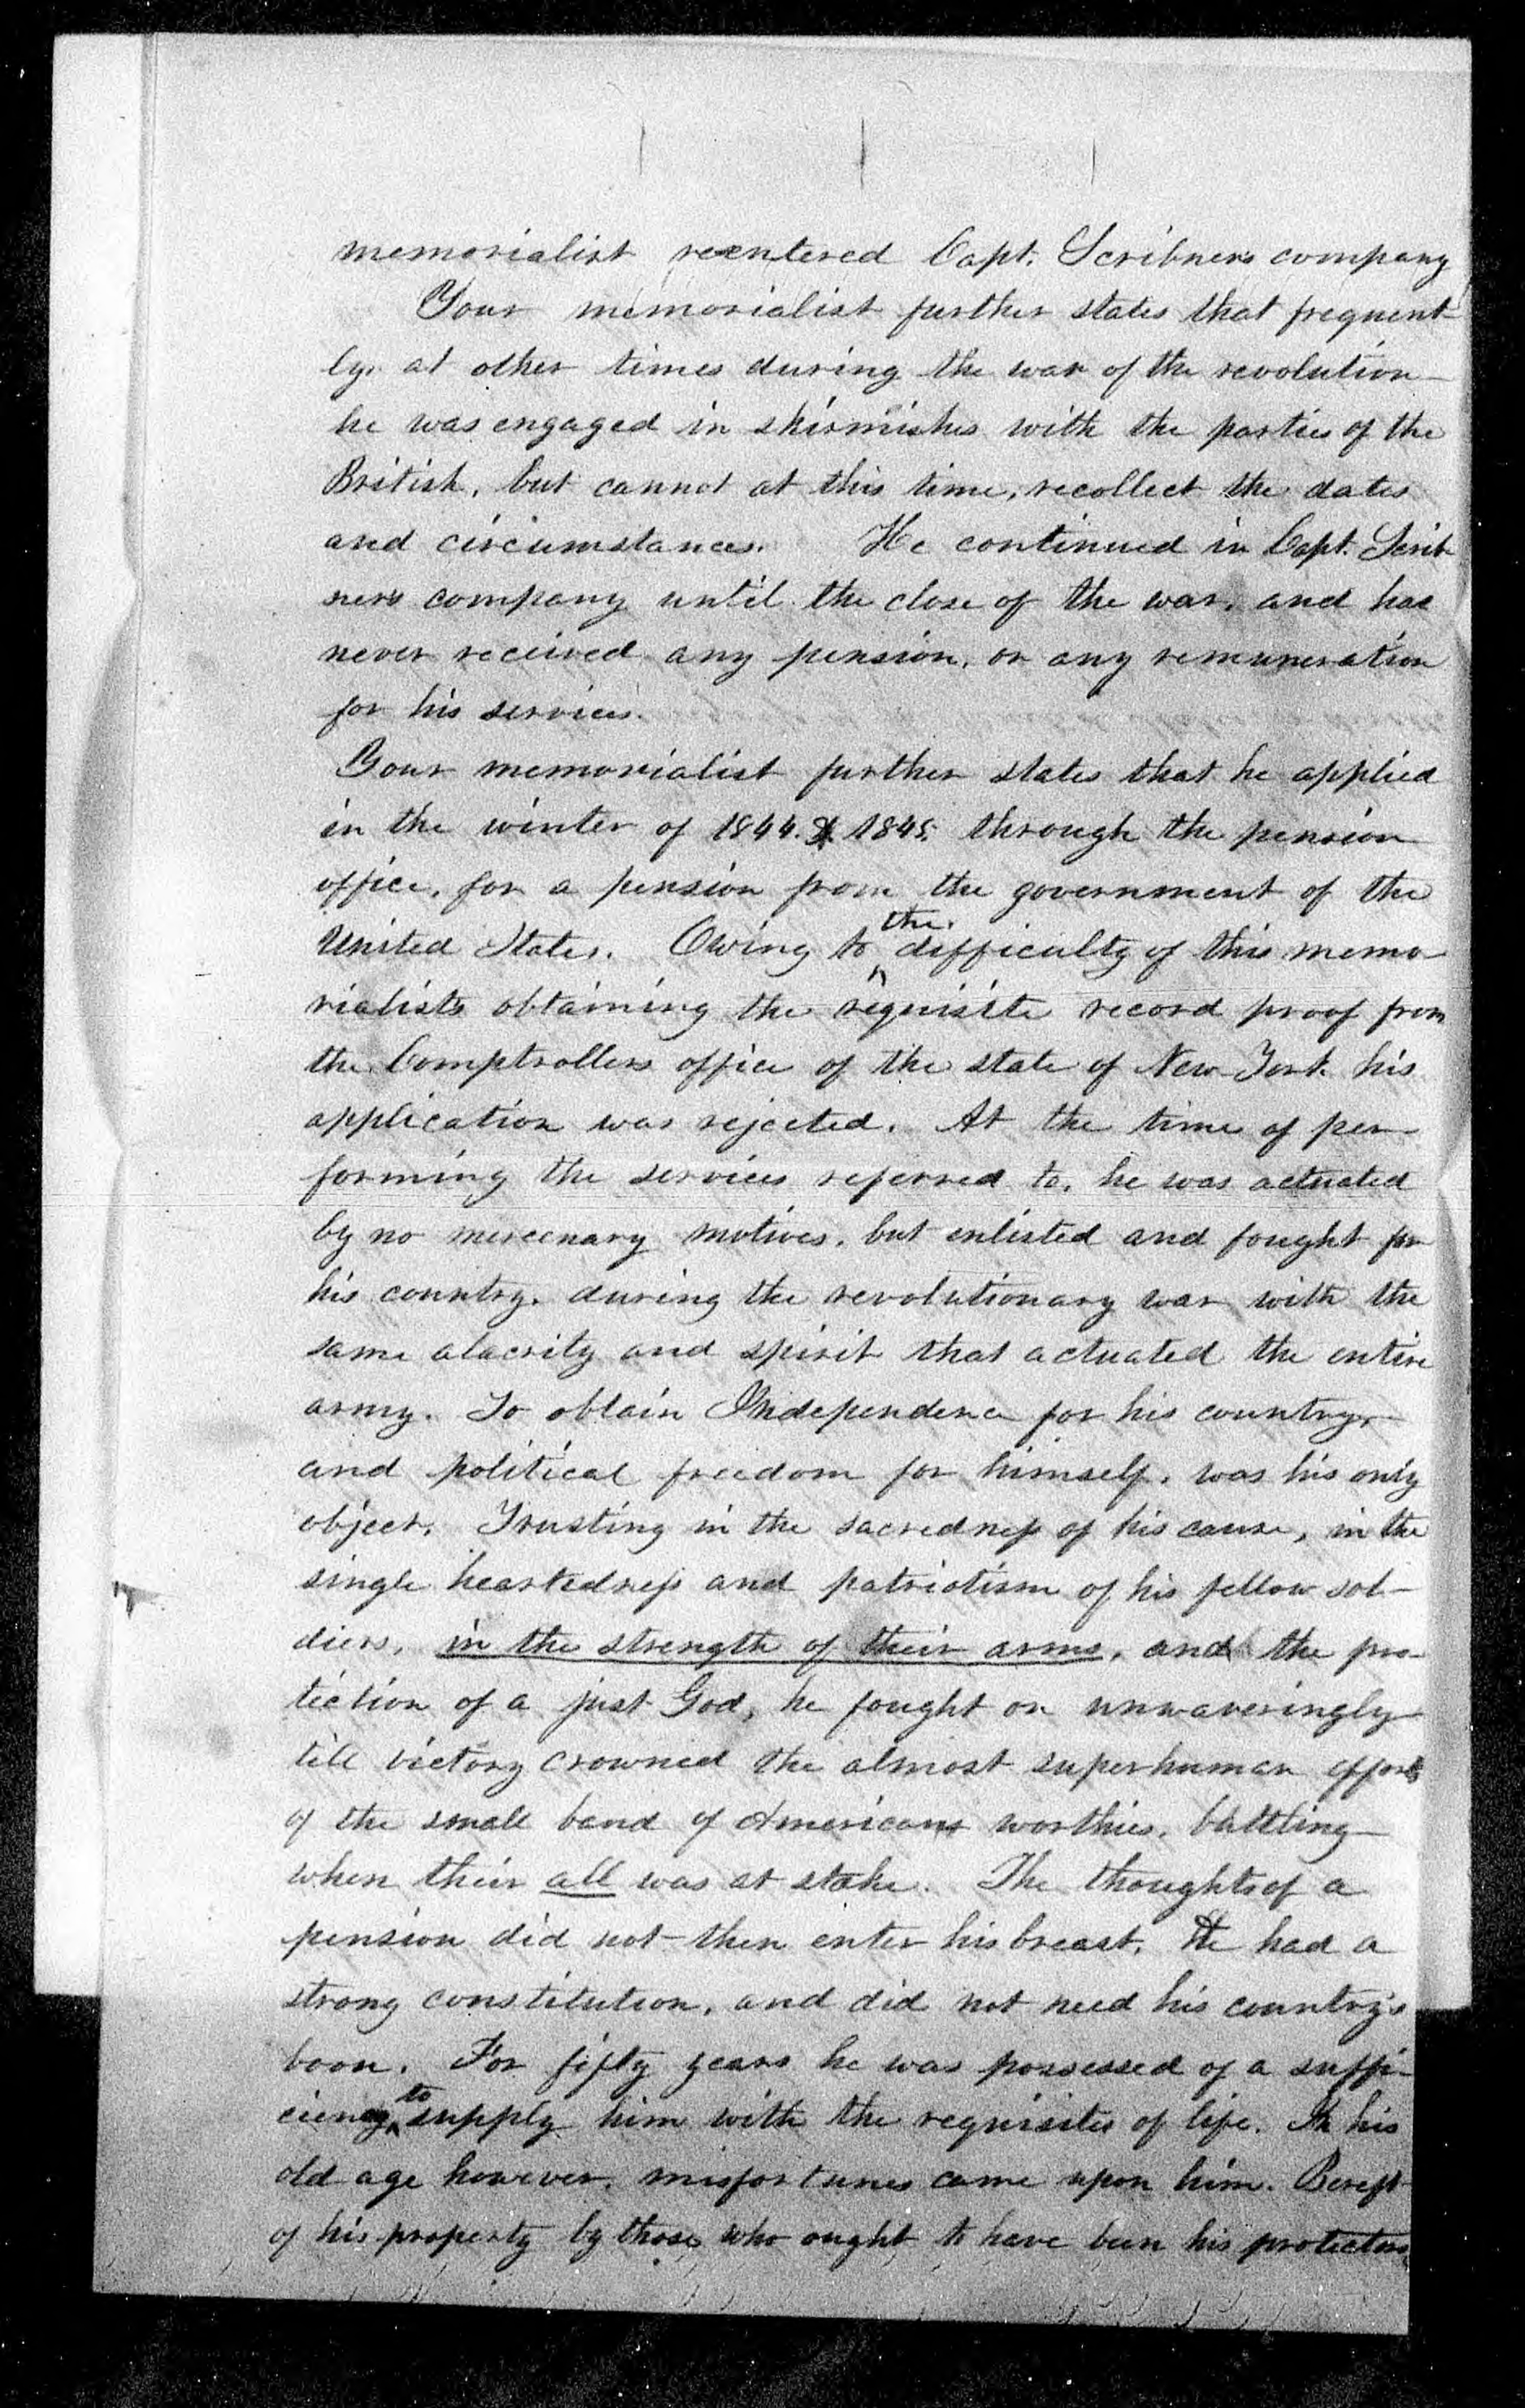memorialist re-entered Capt. Scribners company.
Your memorialist further state that frequency, at other times during the war of the revolution he was engaged in skirmishes with the parties of British, but cannot at this time, recollect the dates and circumstances. He continued in Capt Scribner's company until the close of the war and has never received any pension, or any remuneration for his services.
Your memorialist further state that he applied in the winter of 1844 & 1845. thorough the pension office for a pension from the government of the United States. Owing to the difficult of this memorialists obtaining the requisite record proof from the Comptrollers office of the State of New York his application was rejected. t the time of performing the services referred to he was actually no mercenary motives but enlisted and fought for his country. during the revolutionary was with the same alacrity and spirit that actuated the entire army. To obtain independence for his country and political freedom for himself, was his object, Trusting in the sacredness of his cause, in a single heartedness and patriotism of his fellow soldiers. in the strength of their arms, and the protection of a just God, he fought on unwaveringly until victory crowned the almost superhuman effort of the small band of American worthies, battling when their all was at stake. The thoughts of a pension did not then enter his breast. He had a strong constitution, and did not need his country's boon. For fifty years he was possessed of a sufficiency to supply him with the requisites of life. Old age however , misfortunes came upon him. Bereft of his property by those who ought to have been his friend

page: 16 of 66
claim: rejected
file: R. 4298, Samuel Gregory, New York